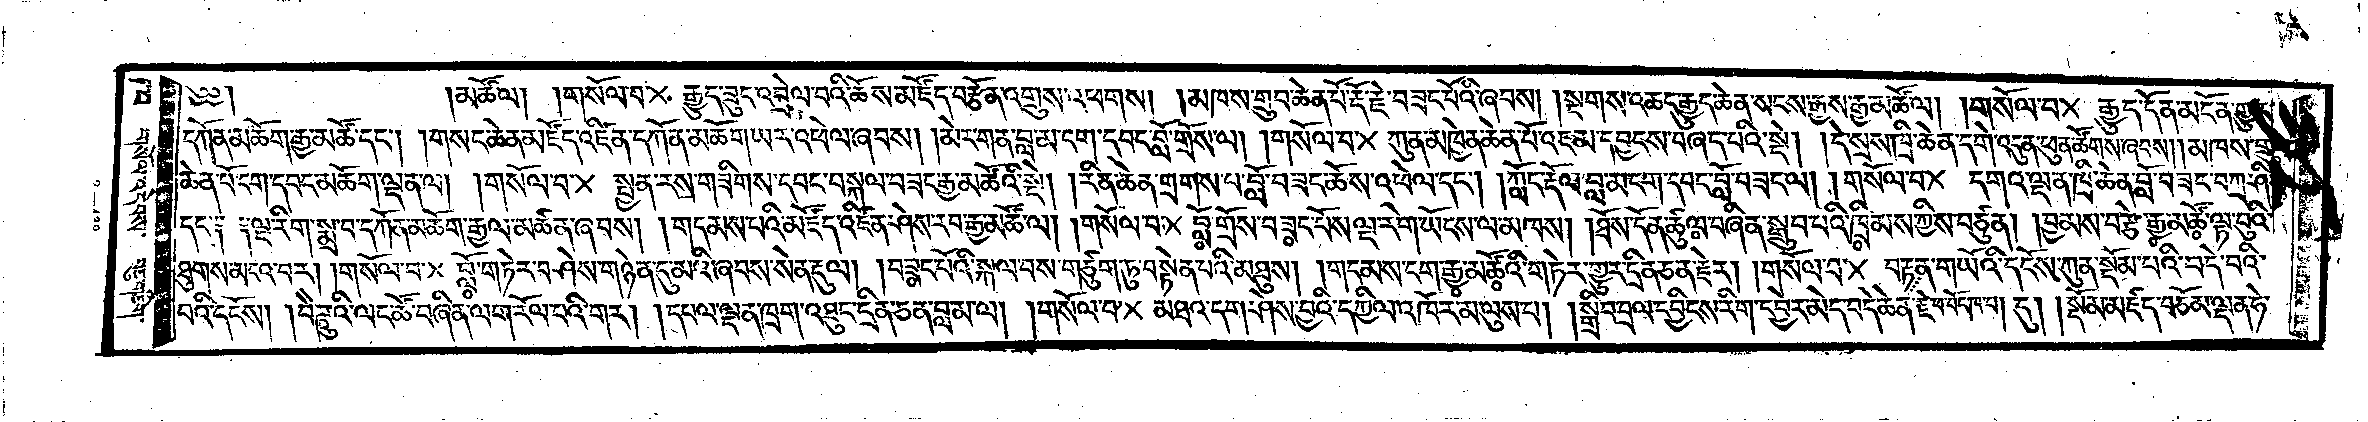༄༅། །མཚོ་ལ། །གསོལ་བ་྾་རྒྱུད་ཟུང་འབྲེལ་བའི་ཆོས་མཛོད་བརྩོན་འགྲུས་འཕགས། །མཁས་གྲུབ་ཆེན་པོ་རྡོ་རྗེ་བཟང་པོའི་ཞབས། །སྔགས་འཆང་རྒྱུད་ཆེན་སངས་རྒྱས་རྒྱ་མཚོ་ལ། །གསོལ་བ་྾་རྒྱུད་དོན་མངོན་གུས་
དཀོན་མཆོག་རྒྱ་མཚོ་དང་། །གསང་ཆེན་མཛོད་འཛིན་དཀོན་མཆོག་ཡར་འཕེལ་ཞབས། །མེར་གན་བླ་མ་ངག་དབང་བློ་གྲོས་ལ། །གསོལ་བ་྾་ཀུན་མཁྱེན་ཆེན་པོ་འཇམ་དབྱངས་བཞད་པའི་སྡེ། །དེ་སྲས་ཁྲི་ཆེན་དགེ་འདུན་ཕུན་ཚོགས་ཞབས། །མཁས་གྲུབ་
ཆེན་པོ་ངག་དབང་མཆོག་ལྡན་ལ། །གསོལ་བ་྾་སྤྱན་རས་གཟིགས་དབང་བསྐལ་བཟང་རྒྱ་མཚོའི་སྡེ། །རིན་ཆེན་གྲགས་པ་བློ་བཟང་ཆོས་འཕེལ་དང་། །ཀློང་རྡོལ་བླ་མ་ངག་དབང་བློ་བཟང་ལ། །གསོལ་བ་྾་དགའ་ལྡན་ཁྲི་ཆེན་བློ་བཟང་བཀྲ་ཤིས་
དང༑ ༑ལྔ་རིག་སྨྲ་བ་དཀོན་མཆོག་རྒྱལ་མཚན་ཞབས། །གདམས་པའི་མཛོད་འཛིན་ཤེས་རབ་རྒྱ་མཚོ་ལ། །གསོལ་བ་྾་བློ་གྲོས་བཟང་པོས་ལྔ་རིག་ཡོངས་ལ་མཁས། །ཐོས་དོན་ཚུལ་བཞིན་སྒྲུབ་པའི་ཁྲིམས་ཀྱིས་བཙུན། །བྱམས་བརྩེ་རྒྱ་མཚོ་ལྟ་བུའི་
ཐུགས་མངའ་བར། །གསོལ་བ་྾་བློ་གཏེར་བཤེས་གཉེན་དུ་མའི་ཞབས་སེན་རྡུལ། །བཟང་པོའི་སྐལ་བས་གཙུག་ཏུ་བསྟེན་པའི་མཐུས། །གདམས་ངག་རྒྱ་མཚོའི་གཏེར་གྱུར་དྲིན་ཅན་རྗེར། །གསོལ་བ་྾་བརྟན་གཡོའི་དངོས་ཀུན་སྡོམ་པའི་བདེ་བའི་
བའི་དངོས། །བཻཌཱུའི་ལང་ཚོ་བཞིན་ལག་རོལ་བའི་གར། །དཔལ་ལྡན་ཁྲག་འཐུང་དྲིན་ཅན་བླ་མ་ལ། །གསོལ་བ་྾་མཐའ་དག་ཤེས་བྱའི་དཀྱིལ་འཁོར་མ་ལུས་པ། །སྒྲིབ་བྲལ་དབྱིངས་རིག་དབྱེར་མེད་བདེ་ཆེན་རྗེ་ཕ་བོང་ཁ་པ། དུ། །སྔོན་མཛད་བཅོམ་ལྡན་ཧེ་